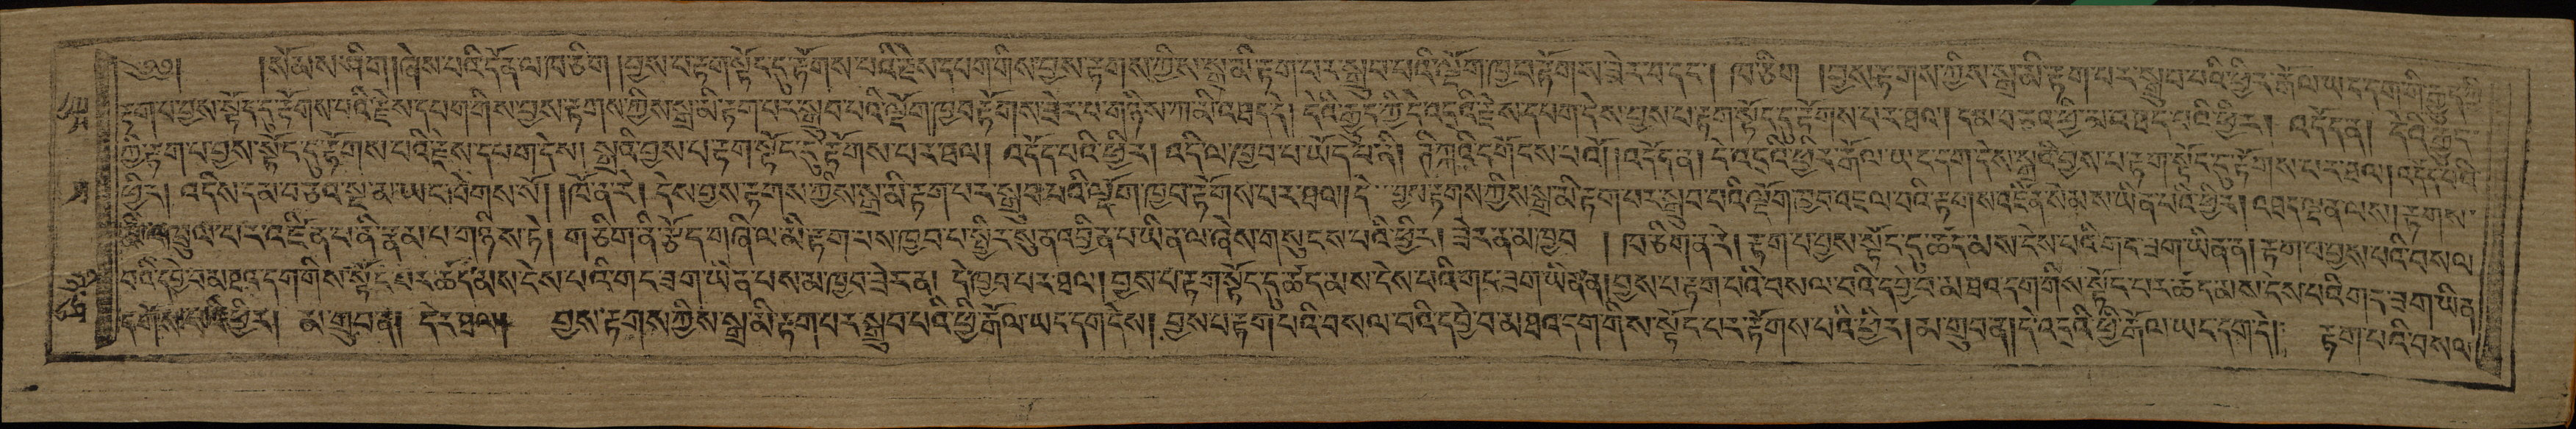༄༅། །སོམས་ཤིག །ཞེས་པའི་དོན་ལ་ཁ་ཅིག །བྱས་པ་རྟག་སྟོང་དུ་རྟོགས་པའི་རྗེས་དཔག་གིས་བྱས་རྟགས་ཀྱིས་སྒྲ་མི་རྟག་པར་སྒྲུབ་པའི་ལྡོག་ཁྱབ་རྟོགས་ཟེར་བ་དང་། ཁ་ཅིག །བྱས་རྟགས་ཀྱིས་སྒྲ་མི་རྟག་པར་སྒྲུབ་པའི་ཕྱིར་རྒོལ་ཡང་དག་གི་རྒྱུད་ཀྱི་
རྟག་པས་བྱས་སྟོང་དུ་རྟོགས་པའི་རྗེས་དཔག་གིས་བྱས་རྟགས་ཀྱིས་སྒྲ་མི་རྟག་པར་སྒྲུབ་པའི་ལྡོག་ཁྱབ་རྟོགས་ཟེར་བ་གཉིས་ཀ་མི་འཐད་དེ། དེའི་རྒྱུད་ཀྱི་དེ་འདྲའི་རྗེས་དཔག་དེས་བྱས་པ་རྟག་སྟོང་དུ་རྟོགས་པར་ཐལ། དམ་བཅའ་ཕྱི་མ་འཐད་པའི་ཕྱིར། འདོད་ན། དེའི་རྒྱུད་
ཀྱི་རྟག་པ་བྱས་སྟོང་དུ་རྟོགས་པའི་རྗེས་དཔག་དེས། སྒྲའི་བྱས་པ་རྟག་སྟོང་དུ་རྟོགས་པར་ཐལ། འདོད་པའི་ཕྱིར། འདི་ལ་ཁྱབ་པ་ཡོད་པ་ནི། ཊིཀྐའི་དགོངས་པའོ། །འདོད་ན། དེ་འདྲའི་ཕྱིར་རྒོལ་ཡང་དག་དེས་སྒྲའི་བྱས་པ་རྟག་སྟོང་དུ་རྟོགས་པར་ཐལ། འདོད་པའི་
ཕྱིར། འདིས་དམ་བཅའ་སྔ་མ་ཡང་ཁེགས་སོ། །ཁོ་ན་རེ། དེས་བྱས་རྟགས་ཀྱིས་སྒྲ་མི་རྟག་པར་སྒྲུབ་པའི་ལྡོག་ཁྱབ་རྟོགས་པར་ཐལ། དེ་བྱས་རྟགས་ཀྱིས་སྒྲ་མི་རྟག་པར་སྒྲུབ་པའི་ལྡོག་ཁྱབ་འཇལ་བའི་རྟགས་འཛིན་སེམས་ཡིན་པའི་ཕྱིར། འཐད་ལྡན་ལས། རྟགས་
མི་འཁྲུལ་པར་འཛིན་པ་ནི་རྣམ་པ་གཉིས་ཏེ། གཅིག་ནི་རྩོད་གཞི་ལ་མི་རྟག་པས་ཁྱབ་པ་སྤྱིར་སུན་འབྱིན་པ་ཡིན་ལ་ཞེས་གསུངས་པའི་ཕྱིར། ཟེར་ན་མ་ཁྱབ། ཁ་ཅིག་ན་རེ། རྟག་པ་བྱས་སྟོང་དུ་ཚད་མས་ངེས་པའི་གང་ཟག་ཡིན་ན། རྟག་པ་བྱས་པའི་གསལ་
བའི་དབྱེ་བ་མཐའ་དག་གིས་སྟོང་པར་ཚད་མས་ངེས་པའི་གང་ཟག་ཡིན་པས་ཁྱབ་ཟེར་ན། དེ་ཁྱབ་པར་ཐལ། བྱས་པ་རྟག་སྟོང་དུ་ཚད་མས་ངེས་པའི་གང་ཟག་ཡིན་ན། བྱས་པ་རྟག་པའི་གསལ་བའི་དབྱེ་བ་མཐའ་དག་གིས་སྟོང་པར་ཚད་མས་ངེས་པའི་གང་ཟག་ཡིན་
དགོས་པའི་ཕྱིར། མ་གྲུབ་ན། དེར་ཐལ། བྱས་རྟགས་ཀྱིས་སྒྲ་མི་རྟག་པར་སྒྲུབ་པའི་ཕྱིར་རྒོལ་ཡང་དག་དེས། བྱས་པ་རྟག་པའི་གསལ་བའི་དབྱེ་བ་མཐའ་དག་གིས་སྟོང་པར་རྟོགས་པའི་ཕྱིར། མ་གྲུབ་ན། དེ་འདྲའི་ཕྱི་རྒོལ་ཡང་དག་དེ། རྟག་པའི་གསལ་